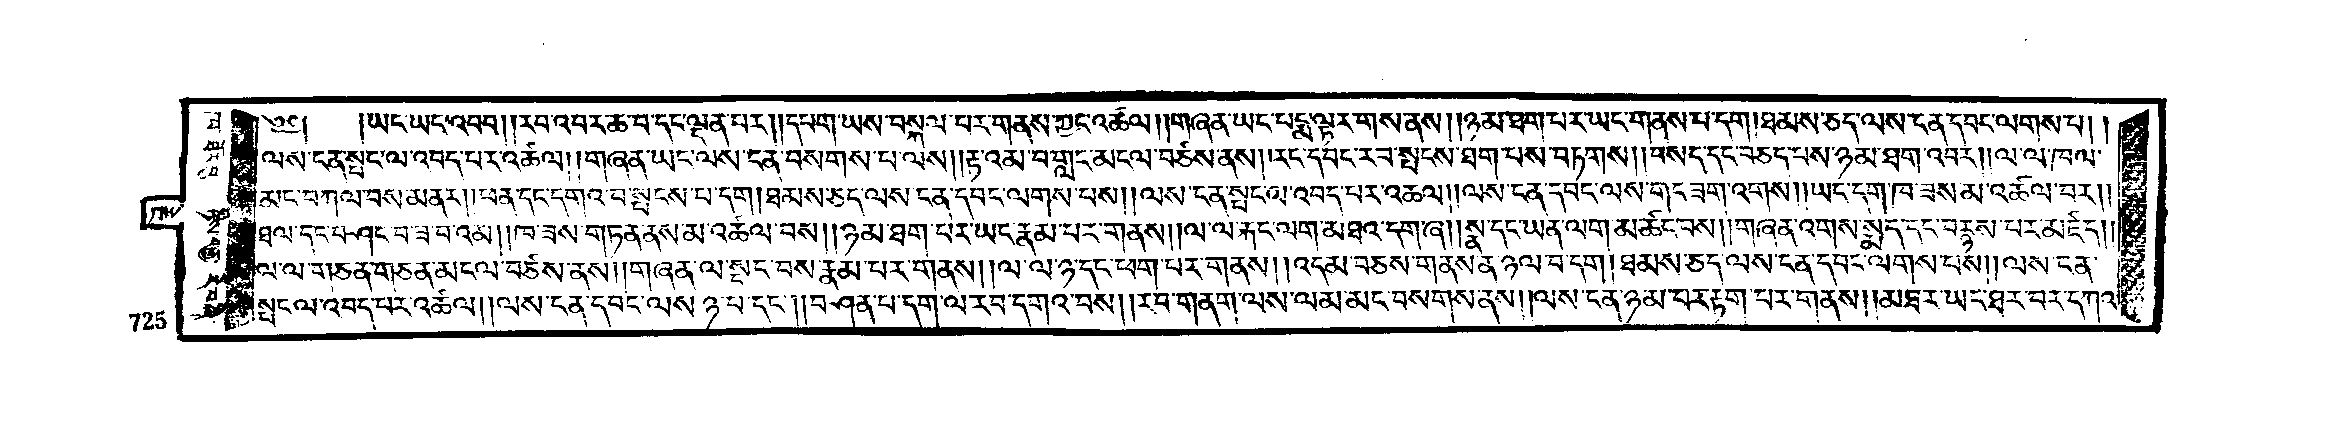༄༅། །ཡང་ཡང་འབབ། །རབ་འབར་ཚ་བ་དང་ལྡན་པར། །དཔག་ཡས་བསྐལ་པར་གནས་ཀྱང་འཚལ། །གཞན་ཡང་པདམ་ལྟར་གས་ནས། །ཉམ་ཐག་པར་ཡང་གནས་པ་དག །ཐམས་ཅད་ལས་ངན་དབང་ལགས་པ། །
ལས་ངན་སྤང་ལ་འབད་པར་འཚལ། །གཞན་ཡང་ལས་ངན་བསགས་པ་ལས། །རྟ་འམ་བ་གླང་མངལ་བཙས་ནས། །རང་དབང་རབ་སྤངས་ཐག་པས་བཏགས། །བསད་དང་བཅད་པས་ཉམ་ཐག་འབར། །ལ་ལ་ཁལ་
མང་བཀལ་བས་མནར། །ཕན་དང་དགའ་བ་སྤངས་པ་དག །ཐམས་ཅད་ལས་ངན་དབང་ལགས་པས། །ལས་ངན་སྤང་ལ་འབད་པར་འཆལ། །ལས་ངན་དབང་ལས་གང་ཟག་འགས། །ཡང་དག་ཁ་ཟས་མ་འཚལ་བར།།
ཐལ་དང་བཤང་བ་ཟ་བ་འམ། །ཁ་ཟས་གཏན་ནས་མ་འཚལ་བས། །ཉམ་ཐག་པར་ཡང་རྣམ་པར་གནས། །ལ་ལ་རྐང་ལག་མཐའ་དག་ཞ། །སྣ་དང་ཡན་ལག་མ་ཚང་བས། །གཞན་འགས་སྨད་དང་བརྙས་པར་མཛད། །
ལ་ལ་གཅན་གཅན་མངལ་བཙས་ནས། །གཞན་ལ་སྡང་བས་རྣམ་པར་གནས། །ལ་ལ་ཉ་དང་ཕག་པར་གནས། །འདམ་བཅས་གནས་ན་ཉལ་བ་དག །ཐམས་ཅད་ལས་ངན་དབང་ལགས་པས། །ལས་ངན་
སྤང་ལ་འབད་པར་འཚལ། །ལས་ངན་དབང་ལས་ཉ་པ་དང་། །བཤན་པ་དག་ལ་རབ་དགའ་བས། །རབ་གནག་ལས་ལམ་མང་བསགས་ནས། །ལས་ངན་ཉམ་པར་རྟག་པར་གནས། །མཐར་ཡང་ཐར་བར་དཀའ་